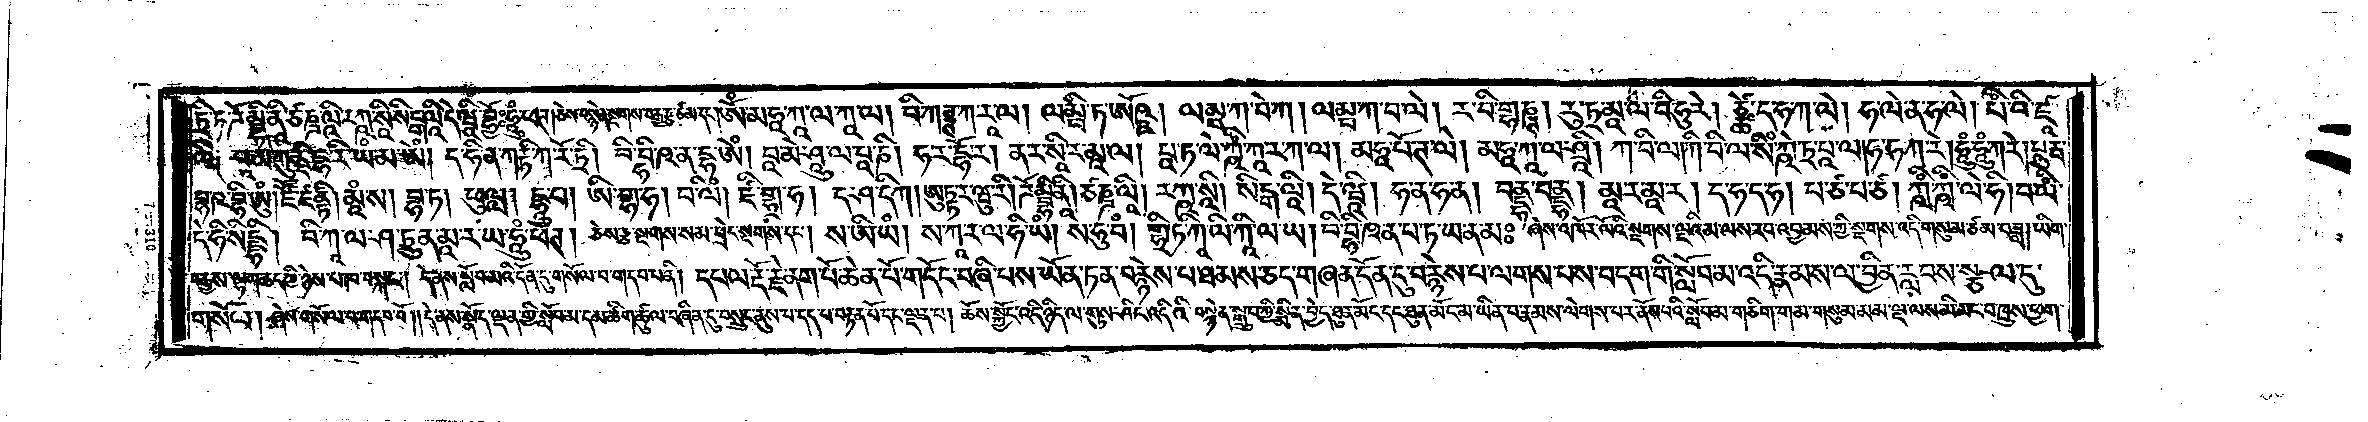ཏྲི་ཏ་ཌོམྦྷི་ནཱི་ཙཎྜ་ལཱི་རཀྵ་སཱི་སིངྒ་ལཱི་དེ་ཝཱི་བྷྱོཿ ཧཱུཾ་ཕཊ། ཅེས་བསྙེན་སྔགས་བརྒྱ་རྩ་ཙམ་དང་།  ཨོཾ་མཧཱ་ཀཱ་ལ་ཀཱ་ལ། བི་ཀཊྚ་ཀ་རཱ་ལ། ལམྦི་ཏ་ཨོཥཊཿཨ། ལམྦ་ཀ་བེ་ཀ། ལམྦ་ཀ་བ་ལེ། ར་བི་གྷ་?ཊྚ། རུ་ཏྲ་མཱ་ལ་བི་རུ་རེ། ཙྪེ་ད་ཧ་ཀ་ལེ། ཧ་ལེ་ན་ཧ་ལེ། པིཾ་པི་ཛཱ་
ལི༑ བཱ་མ་ཀུནྡི་དྷ་རི་ཡཾ་མ་ཨེཾ། ད་ཧི་ན་ཀརྟི་ཀ་རོ་ཏྲི། བིབྷི་ཥ་ན་དྷ་ཨེཾ། བཱ་མེ་ཤཱུ་ལ་པཱ་ཎི། ཧ་ར་དྷོ་ར། ན་ར་སཱི་ར་མཱ་ལ། པཱ་ཏ་ལེ་ཀྵིཾ་ཀཱ་ར་ཀ་ལ། མཧཱ་པོ་ཊ་ལེ། མཧཱ་ཀཱ་ལ་ཤྲཱི། ཀ་བི་ལ། ཀི་བི་ལ་སིཾ་ཀྵེ་ཏྲ་པཱ་ལ། ཧ་ཧ་ཀ་རེ། ཧཱུཾ་ཧཱུཾ་ཀ་རེ། པཱུ་རྦ་
བྷ་ཥ་བྷི་ཨུཾ། རྫོ་ཛ་ནྟི། མཱཾ་ས། བྷ་ཏ། ཕུལླ། དྷྖ་པ། ཨི་གྷ་ཧ། བི་ལཾ། ཛི་གྷྲ་ཧ། ད་ཤ་དི་ཀ། ཨུཏྟ་ར་ཝུ་རི། ཌོམྦྷི་ནཱི། ཙཎྜ་ལཱི། རཀྵ་སཱི། སིངྒ་ལཱི། དེ་ཝཱི། ཧ་ན་ཧ་ན། བནྡྷ་བམྦྷ། མཱར་མཱར། ད་ཧ་ད་ཧ། པ་ཙ་པ་ཙ། ཀྵིཾ་ཀྵིཾ་ལེ་ཧི། བ་ལིཾ་
དེ་ཧི་སིདྡྷི། བི་ཀཱ་ལ་ཤ་ཏྲུན་མཱ་ར་ཡ་ཧཱུཾ་ཕཊ། ཅེས་རྩ་སྔགས་སམ་ཕྲེང་སྔགས་དང་།  ས་ཨི་ཡཾ། ས་ཀཱ་ར་ལ་ཧི་ཡཾ། ས་ཧུ་བཾ། གྷྲི་ཏ་ཀཱི་ལི་ཀཱི་ལ་ཡ། བི་བྷི་ཁ་ན་པ་ཏ་ཡ་ནམཿ ཞེས་འཁོར་ལོའི་སྔགས་ལྔའམ་ལས་རབ་འབྱམས་ཀྱི་སྔགས་འདི་གསུམ་ཙམ་བཟླ། ཡིག་
བརྒྱས་ལྷག་ཆད་ཀྱི་ཉེས་པ་ཁ་བསྐང་། དེ་ནས་སློབ་མའི་དོན་དུ་གསོལ་བ་གདབ་པ་ནི། དཔལ་རྡོ་རྗེ་ནག་པོ་ཆེན་པོ་གདོང་བཞི་པས་ཡོན་ཏན་བརྙེས་པ་ཐམས་ཅད་གཞན་དོན་དུ་བརྙེས་པ་ལགས་པས་བདག་གི་སློབ་མ་འདི་རྣམས་ལ་བྱིན་རླབས་སྩལ་དུ་
གསོལ། ཞེས་གསོལ་བ་གདབ་བོ། །དེ་ནས་སྣོད་ལྡན་གྱི་སློབ་མ་དམ་ཚིག་ཚུལ་བཞིན་དུ་བསྲུང་ནུས་པ་དད་པ་བརྟན་པོ་དང་ལྡན་པ། ཆོས་སྐྱོང་འདི་ཉིད་ལ་གུས་ཤིང་འདིའི་བསྙེན་སྒྲུབ་ཀྱི་སྨིན་བྱེད་ཐུན་མོང་དང་ཐུན་མོང་མ་ཡིན་པ་རྣམས་ལེགས་པར་ནོས་པའི་སློབ་མ་གཅིག་གམ་གསུམ་མམ་ལྔ་ལས་མི་མང་བ་ཁྲུས་ཕྱག